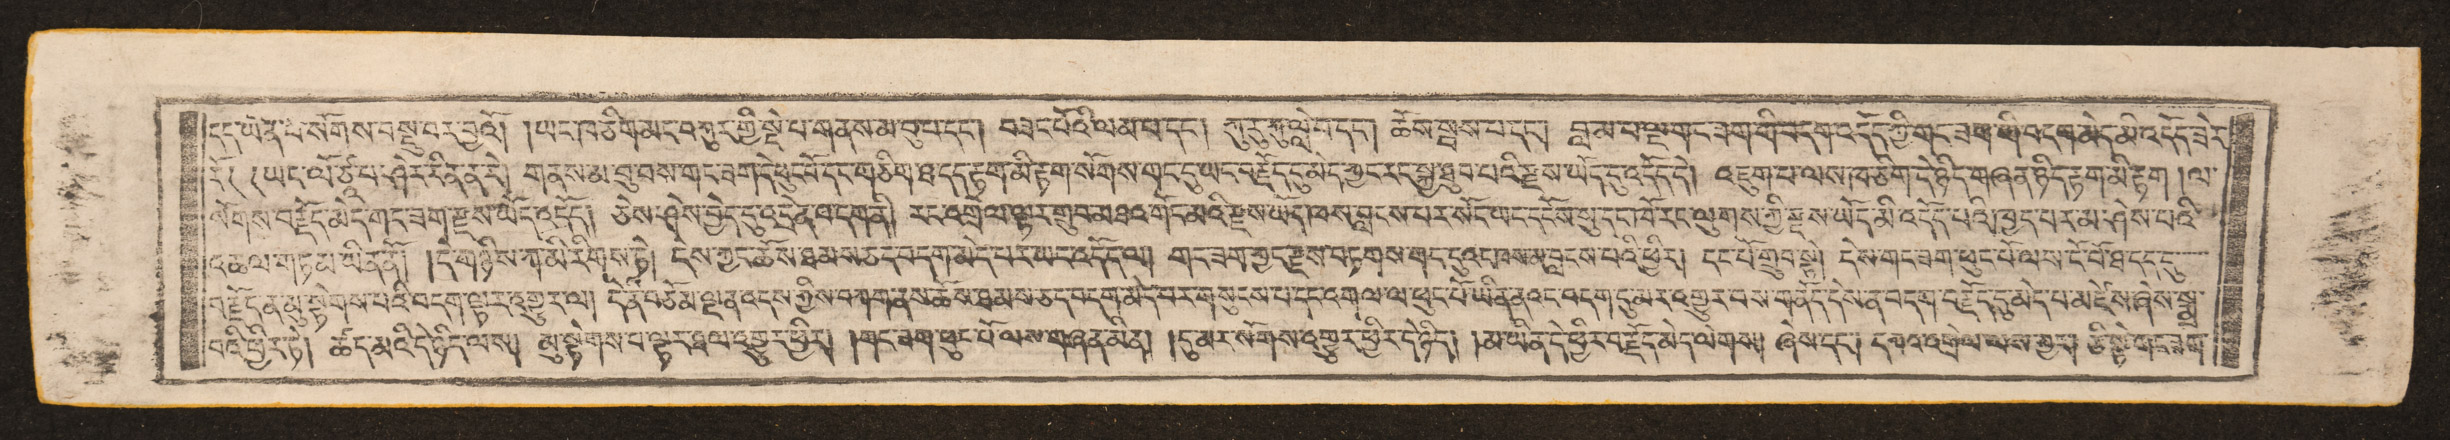དད་ཡིན་པ་སོགས་བསྡུ་བར་བྱའོ། །ཡང་ཁ་ཅིག་མང་བཀུར་གྱི་སྡེབ་གནས་མ་བུ་པ་དང་། བཟང་པོའི་ལམ་པ་དང་། ཀུ་རུ་ཀུལླེ་བ་དང་། ཆོས་སྦས་པ་དང་། བླ་མ་པ་ལྔ་གང་ཟག་གི་བདག་འདོད་ཀྱི་གང་ཟག་གི་བདག་མེད་མི་འདོད་ཟེར་
རོ༑ ༑ཡང་ལོ་ཙཱ་པ་ཤེར་རིན་ན་རེ། གནས་མ་བུབས་གང་ཟག་དེ་ཕུང་པོ་དང་གཅིག་ཐ་དད་རྟག་མི་རྟག་སོགས་གང་དུ་ཡང་བརྗོད་དུ་མེད་ཀྱང་རང་སྐྱ་ཐུབ་པའི་རྫས་ཡོད་དུ་འདོད་དེ། འཇུག་པ་ལས་ཁ་ཅིག་དེ་ཉིད་གཞན་ཉིད་རྟག་མི་རྟག །ལ་
སོགས་བརྗོད་མེད་གང་ཟག་རྫས་ཡོད་འདོད། ཅེས་ཤེས་བྱེད་དུ་འདྲེན་པ་དག་ནི། རང་འགྲེལ་ལྟར་གྲུབ་མཐའ་གོང་མའི་རྫས་ཡོད་ཁས་བླངས་པར་སོང་ཡང་དངོས་སུ་དང་ཁོ་རང་ལུགས་ཀྱི་རྫས་ཡོད་མི་འདོད་པའི་ཁྱད་པར་མ་ཤེས་པའི་
འཆལ་གཏམ་ཡིན་ནོ། །དེ་གཉིས་ཀ་མི་རིགས་ཏེ། དེས་ཀྱང་ཆོས་ཐམས་ཅད་བདག་མེད་པར་ཡང་འདོད་ལ། གང་ཟག་ཀྱང་རྫས་བཏགས་གང་དུའང་ཁས་མ་བླངས་པའི་ཕྱིར། དང་པོ་གྲུབ་སྟེ། དེས་གང་ཟག་ཕུང་པོ་ལས་ངོ་བོ་ཐ་དད་དུ་
བརྗོད་ན་མུ་སྟེགས་པའི་བདག་ལྟར་འགྱུར་ལ། དེ་ནི་བཅོམ་ལྡན་འདས་ཀྱིས་བཀག་ནས་ཆོས་ཐམས་ཅད་བདག་མེད་པར་གསུངས་པ་དང་འགལ་ལ་ཕུང་པོ་ཡིན་ནའང་བདག་དུ་མར་འགྱུར་བས་གནོད་དེས་ན་བདག་བརྗོད་དུ་མེད་པ་མཛེས་ཞེས་སྨྲ་
བའི་ཕྱིར་ཏེ། ཚད་མའི་དེ་ཉིད་ལས། མུ་སྟེགས་པ་ལྟར་ཐལ་འགྱུར་ཕྱིར། །གང་ཟག་ཕུང་པོ་ལས་གཞན་མིན། །དུ་མར་སོགས་འགྱུར་ཕྱིར་དེ་ཉིད། །མ་ཡིན་དེ་ཕྱིར་བརྗོད་མེད་ལེགས། ཞེས་དང་། དཀའ་འགྲེལ་ལས་ཀྱང་། ཅི་སྟེ་གང་ཟག་